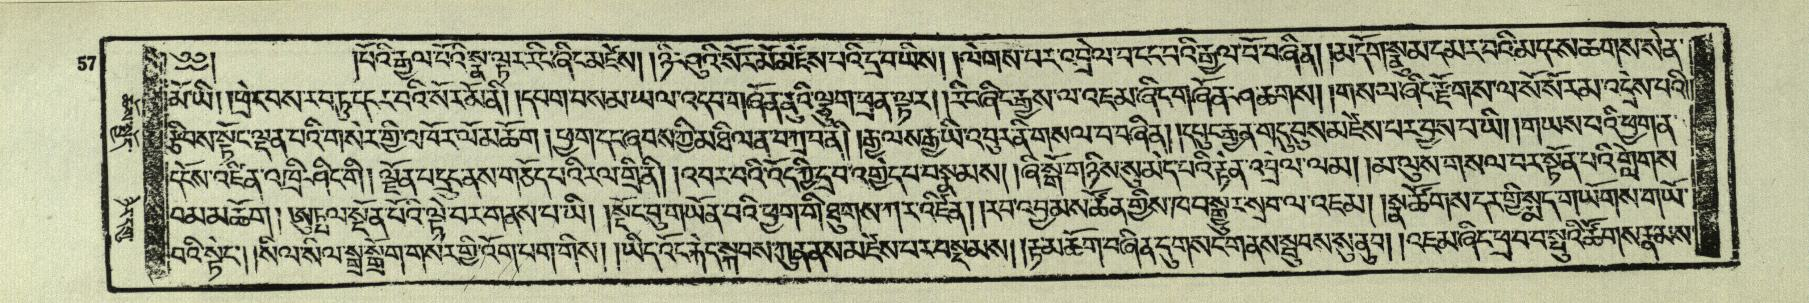༄༅། །པོའི་རྒྱལ་པོའི་སྣ་ལྟར་རིང་ཞིང་མཛེས། །ཉི་ཤུའི་སོར་མོ་མཛེས་པའི་དྲ་བ་ཡིས། །ལེགས་པར་འབྲེལ་བ་ངང་པའི་རྒྱལ་པོ་བཞིན། །མདོག་སྣུམ་དམར་བའི་མདངས་ཆགས་སེན་
མོ་ཡི། །ཕྲེང་བས་རབ་ཏུ་དངར་བའི་སོར་མོ་ནི། །དཔག་བསམ་ཡལ་འདབ་གཞོན་ནུའི་ལྕུག་ཕྲན་ལྟར། །རིང་ཞིང་རྒྱས་ལ་འཇམ་ཞིང་གཞོན་ཤ་ཆགས། །གསལ་ཞིང་རྫོགས་ལ་སོ་སོར་མ་འདྲེས་པའི།།
རྩིབས་སྟོང་ལྡན་པའི་གསེར་གྱི་འཁོར་ལོ་མཆོག །ཕྱག་དང་ཞབས་ཀྱི་མཐིལ་ན་བཀྲ་བ་ནི། །རྒྱ་ལས་རྒྱ་ཡི་འབུར་ནི་གསལ་བ་བཞིན། །དཔུང་རྒྱན་གདུ་བུས་མཛེས་པར་བྱས་པ་ཡི། །གཡས་པའི་ཕྱག་ན་
དངོས་འཛིན་འཁྲི་ཤིང་གི །ལྗོན་པ་དྲུང་ནས་གཅོད་པའི་རལ་གྲི་ནི། །འབར་བའི་འོད་ཀྱི་དྲ་བ་འགྱེད་པ་བསྣམས། །ཞི་སྒོ་གཉིས་སུ་མེད་པའི་རྟེན་འབྲེལ་ལམ། །མ་ལུས་གསལ་བར་སྟོན་པའི་གླེགས་
བམ་མཆོག །ཨུཏྤལ་སྔོན་པོའི་ལྟེ་བར་གནས་པ་ཡི། །སྡོང་བུ་གཡོན་བའི་ཕྱག་གི་ཐུགས་ཀར་འཛིན། །རབ་འབྱམས་ཚོན་གྱིས་ཁ་བསྒྱུར་སྲབ་ལ་འཇམ། །སྣ་ཚོགས་དར་གྱི་སྨད་གཡོགས་གཡོ་
བའི་སྟེང་། །སིལ་སིལ་སྒྲ་སྒྲོག་གསར་གྱི་འོག་པག་གིས། །ཡིད་འོང་རྐེད་སྐབས་ཀུན་ནས་མཛེས་པར་བསྡམས། །རྟ་མཆོག་བཞིན་དུ་གསང་གནས་སྦུབས་ནུབ། །འཇམ་ཞིང་ཕྲ་བ་སྤུའི་ཚོགས་རྣམས་